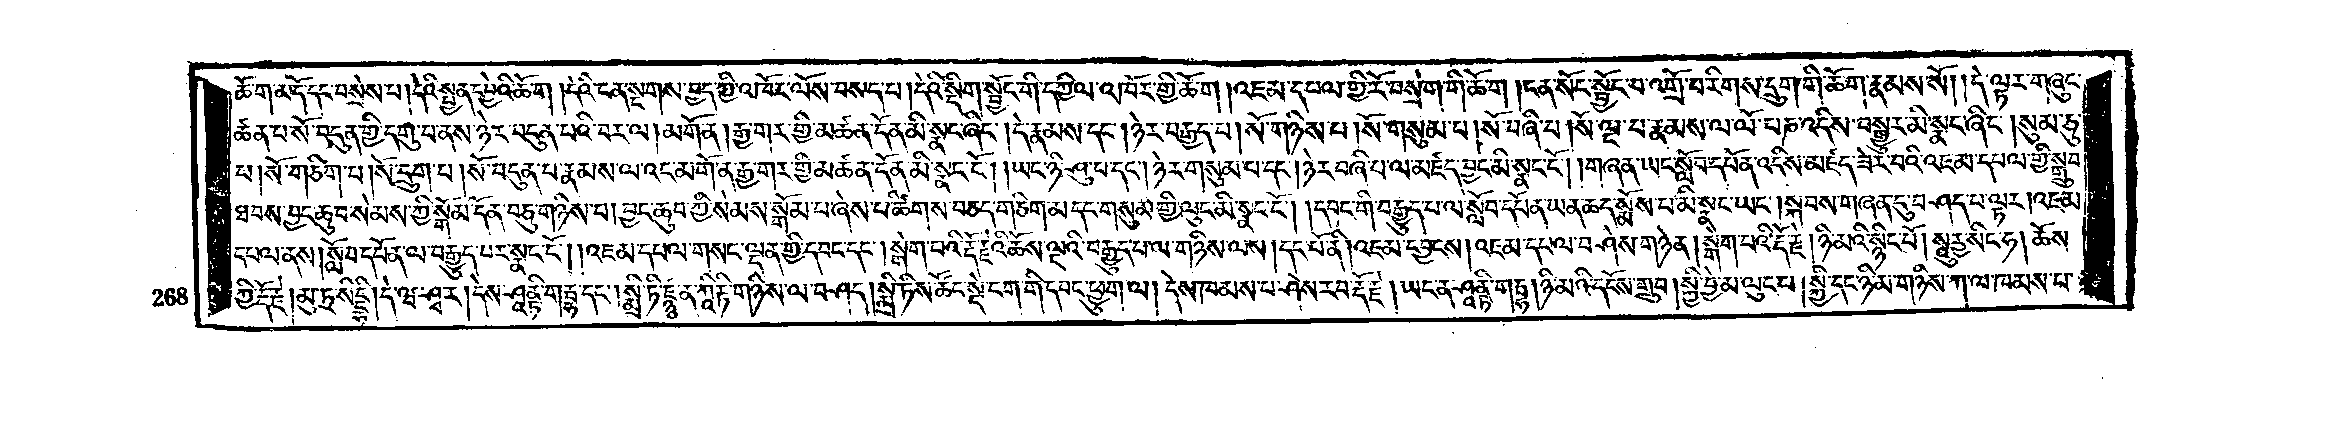ཆོ་ག་མདོ་དང་བསྲེས་པ། དེའི་སྤྱན་དཔྱེའི་ཆོ་ག །དེའི་ངན་སྔགས་བྱད་ཀྱི་འཁོར་ལོས་བསད་པ། དེའི་སྡིག་སྦྱོང་གི་དཀྱིལ་འཁོར་གྱི་ཆོ་ག །འཇམ་དཔལ་གྱི་རོ་བསྲེག་གི་ཆོ་ག །ངན་སོང་སྦྱོང་བ་འགྲོ་བ་རིགས་དྲུག་གི་ཆོ་ག་རྣམས་སོ། །དེ་ལྟར་གཞུང་
ཚན་པ་སོ་བདུན་གྱི་དགུ་པ་ནས་ཉེར་བདུན་པའི་བར་ལ། མགོ་ན། རྒྱ་གར་གྱི་མཚན་དོན་མི་སྣང་ཞིང་། དེ་རྣམས་དང་། ཉེར་བརྒྱད་པ། སོ་གཉིས་པ། སོ་གསུམ་པ། སོ་བཞི་པ། སོ་ལྔ་པ་རྣམས་ལ་ལོ་པཎ་འདིས་བསྒྱུར་མི་སྣང་ཞིང་། སུམ་ཅུ་
པ། སོ་གཅིག་པ། སོ་དྲུག་པ། སོ་བདུན་པ་རྣམས་ལ་འང་མགོ་ན་རྒྱ་གར་གྱི་མཚན་དོན་མི་སྣང་ངོ། །ཡང་ཉི་ཤུ་པ་དང་། ཉེར་གསུམ་པ་དང་། ཉེར་བཞི་པ་ལ་མཛད་བྱང་མི་སྣང་ངོ།
།གཞན་ཡང་སློབ་དཔོན་འདིས་མཛད་ཟེར་བའི་འཇམ་དཔལ་གྱི་སྒྲུབ་ཐབས་བྱང་ཆུབ་སེམས་ཀྱི་སྒོམ་དོན་བཅུ་གཉིས་པ། བྱང་ཆུབ་ཀྱི་སེམས་སྒོམ་པ་ཞེས་པ་ཚིགས་བཅད་གཅིག་མ་དང་གསུམ་གྱི་ལུང་མི་སྣང་ངོ། །དབང་གི་བརྒྱུད་པ་ལ་སློབ་དཔོན་ཡན་ཆད་སྨོས་པ་མི་སྣང་ཡང་། སྐབས་གཞན་དུ་བཤད་པ་ལྟར། འཇམ་
དཔལ་ནས། སློབ་དཔོན་ལ་བརྒྱུད་པར་སྣང་ངོ། །འཇམ་དཔལ་གསང་ལྡན་གྱི་དབང་དང་། སྒེག་པའི་རྡོ་རྗེའི་ཆོས་ལྔའི་བརྒྱུད་པ་ལ་གཉིས་ལས། དང་པོ་ནི། འཇམ་དབྱངས། འཇམ་དཔལ་བཤེས་གཉེན། སྒེག་པའི་རྡོ་རྗེ། ཉི་མའི་སྙིང་པོ། སཱུརྱ་སིང་ཧ། ཆོས་
ཀྱི་རྡོ་རྗེ། མུ་ཏྲ་སིདྡྷི། དེ་ཝ་ཤྭ་ར། དེས་ཤཱནྟི་གརྦྷ་དང་། སྨྲི་ཏི་ཛྙཱ་ན་ཀཱི་རྟི་གཉིས་ལ་བཤད། སྨྲི་ཏིས་ཚོང་སྡེ་ངག་གི་དབང་ཕྱུག་ལ། དེས་ཁམས་པ་ཤེས་རབ་རྡོ་རྗེ། ཡང་ན་ཤཱནྟི་གརྦྷ། ཉི་མའི་དངོས་གྲུབ། སྐྱི་བྱེ་མ་ལུང་པ། སྐྱི་དང་ཉི་མ་གཉིས་ཀ་ལ་ཁམས་པ་